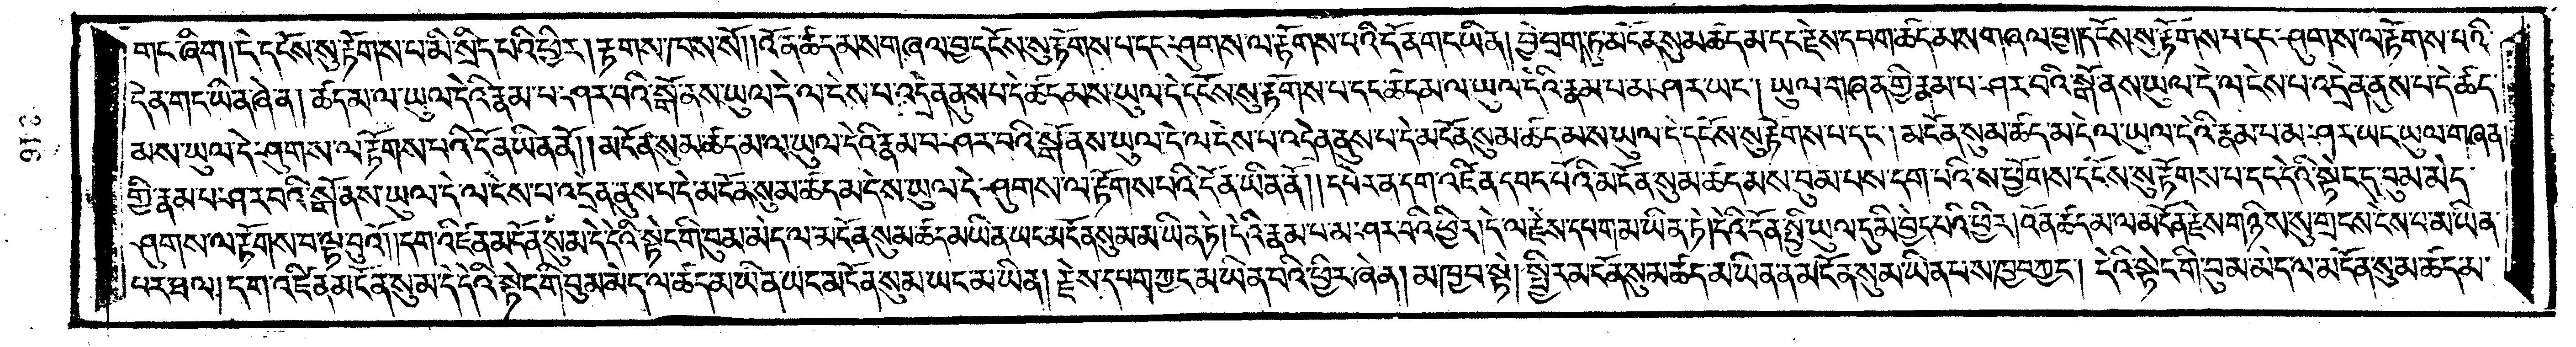གང་ཞིག །དེ་དངོས་སུ་རྟོགས་པ་མི་སྲིད་པའི་ཕྱིར། རྟགས་ཁས་སོ། །འོ་ན་ཚད་མས་གཞལ་བྱ་དངོས་སུ་རྟོགས་པ་དང་ཤུགས་ལ་རྟོགས་པའི་དོན་གང་ཡིན། བྱེ་བྲག་ཏུ་མངོན་སུམ་ཚད་མ་དང་རྗེས་དཔག་ཚད་མས་གཞལ་བྱ་དངོས་སུ་རྟོགས་པ་དང་ཤུགས་ལ་རྟོགས་པའི་
དོན་གང་ཡིན་ཞེ་ན། ཚད་མ་ལ་ཡུལ་དེའི་རྣམ་པ་ཤར་བའི་སྒོ་ནས་ཡུལ་དེ་ལ་ངེས་པ་འདྲེན་ནུས་པ་དེ་ཚད་མས་ཡུལ་དེ་དངོས་སུ་རྟོགས་པ་དང་ཚད་མ་ལ་ཡུལ་དེའི་རྣམ་པ་མ་ཤར་ཡང་། ཡུལ་གཞན་གྱི་རྣམ་པ་ཤར་བའི་སྒོ་ནས་ཡུལ་དེ་ལ་ངེས་པ་འདྲེན་ནུས་པ་དེ་ཚད་
མས་ཡུལ་དེ་ཤུགས་ལ་རྟོགས་པའི་དོན་ཡིན་ནོ། །མངོན་སུམ་ཚད་མ་ལ་ཡུལ་དེའི་རྣམ་པ་ཤར་བའི་སྒོ་ནས་ཡུལ་དེ་ལ་ངེས་པ་འདྲེན་ནུས་པ་དེ་མངོན་སུམ་ཚད་མས་ཡུལ་དེ་དངོས་སུ་རྟོགས་པ་དང་། མངོན་སུམ་ཚད་མ་དེ་ལ་ཡུལ་དེའི་རྣམ་པ་མ་ཤར་ཡང་ཡུལ་གཞན་
གྱི་རྣམ་པ་ཤར་བའི་སྒོ་ནས་ཡུལ་དེ་ལ་ངེས་པ་འདྲེན་ནུས་པ་དེ་མངོན་སུམ་ཚད་མ་དེས་ཡུལ་དེ་ཤུགས་ལ་རྟོགས་པའི་དོན་ཡིན་ནོ། །དཔེར་ན་དག་འཛིན་དབང་པོའི་མངོན་སུམ་ཚད་མས་བུམ་པས་དག་པའི་ས་ཕྱོགས་དངོས་སུ་རྟོགས་པ་དང་དེའི་སྟེང་དུ་བུམ་མེད་
ཤུགས་ལ་རྟོགས་པ་ལྟ་བུའོ། །དག་འཛིན་མངོན་སུམ་དེ་དེའི་སྟེང་གི་བུམ་མེད་ལ་མངོན་སུམ་ཚད་མ་ཡིན་ཡང་མངོན་སུམ་མ་ཡིན་ཏེ། དེའི་རྣམ་པ་མ་ཤར་བའི་ཕྱིར། དེ་ལ་རྗེས་དཔག་མ་ཡིན་ཏེ། དེའི་དོན་སྤྱི་ཡུལ་དུ་མི་བྱེད་པའི་ཕྱིར། འོ་ན་ཚད་མ་ལ་མངོན་རྗེས་གཉིས་སུ་གྲངས་ངེས་པ་མ་ཡིན་
པར་ཐལ། དག་འཛིན་མངོན་སུམ་དེ་དེའི་སྟེང་གི་བུམ་མེད་ལ་ཚད་མ་ཡིན་ཡང་མངོན་སུམ་ཡང་མ་ཡིན། རྗེས་དཔག་ཀྱང་མ་ཡིན་པའི་ཕྱིར་ཞེ་ན། མ་ཁྱབ་སྟེ། སྤྱིར་མངོན་སུམ་ཚད་མ་ཡིན་ན་མངོན་སུམ་ཡིན་པས་ཁྱབ་ཀྱང་། དེའི་སྟེང་གི་བུམ་མེད་ལ་མངོན་སུམ་ཚད་མ་